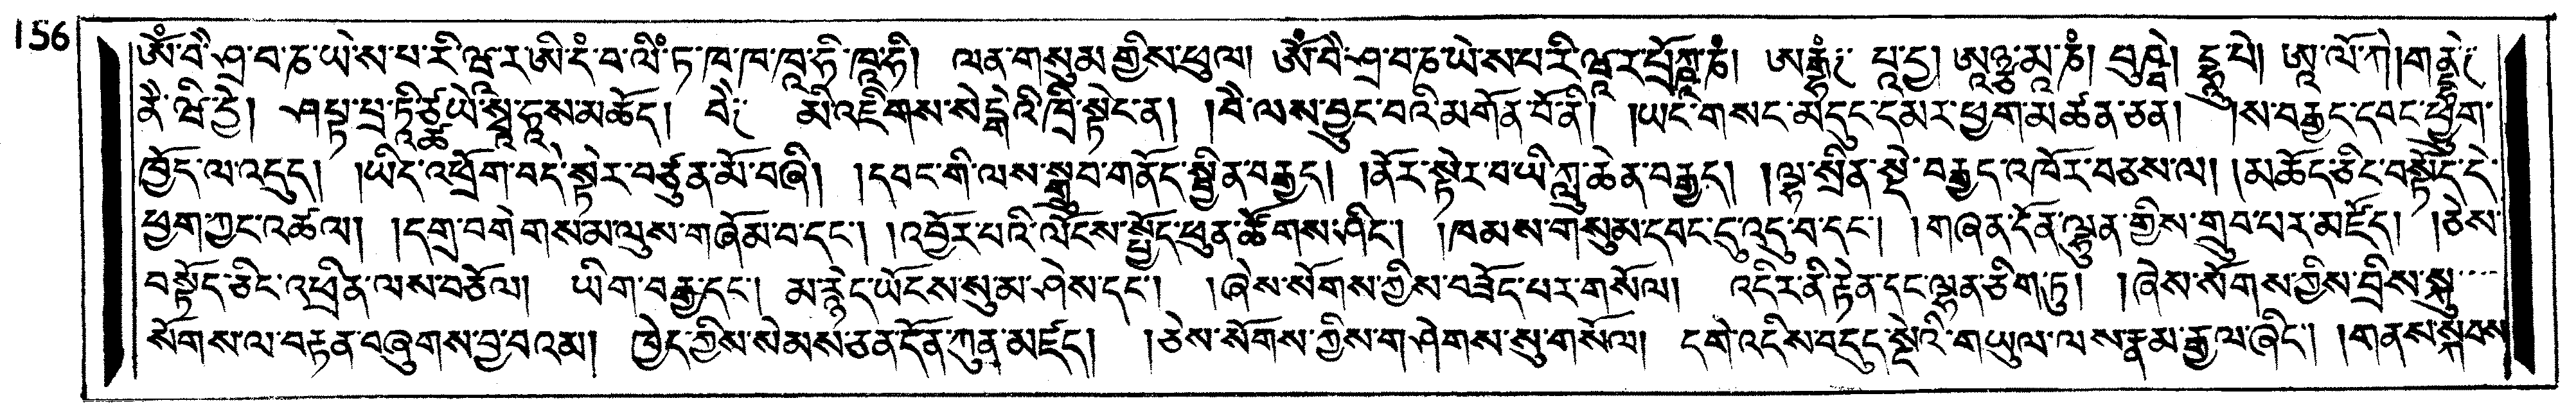ཨོཾ་བཻ་ཤྲ་བ་ཎ་ཡེ་ས་པ་རི་ཝཱ་ར་ཨི་དཾ་བ་ལིཾ་ཏ་ཁ་ཁ་ཁཱ་ཧི་ཁཱ་ཧི། ལན་གསུམ་གྱིས་ཕུལ། ཨོཾ་བཻ་ཤྲ་བ་ཎ་ཡེ་ས་པ་རི་ཝཱ་ར་པྲོ་ཀྵཱ་ཎཾ། ཨརྒྷཾ༑ པཱ་དྱ། ཨཱ་ཉྩ་མཱ་ཎཾ། པུཥྦེ། དྷཱུ་པེ། ཨཱ་ལོ་ཀེ །གནྡྷེ༑
ནཻ་ཝི་དྱེ། ཤཔྟ་པྲ་ཏཱི་ཙྪ་ཡེ་སྭཱ་ཧཱ་ས་མཆོད། བཻ༑ མི་འཇིགས་སེངྒེའི་ཁྲི་སྟེང་ན། །བཻ་ལས་བྱུང་བའི་མགོན་པོ་ནི། །ཡང་གསང་མདུང་དམར་ཕྱག་མཚན་ཅན། །ས་བརྒྱད་དབང་ཕྱུག་
ཁྱོད་ལ་འདུད། །ཡིད་འཕྲོག་བདེ་སྟེར་བཙུན་མོ་བཞི། །དབང་གི་ལས་སྒྲུབ་གནོད་སྦྱིན་བརྒྱད། །ནོར་སྟེར་བ་ཡི་ཀླུ་ཆེན་བརྒྱད། །ལྷ་སྲིན་སྡེ་བརྒྱད་འཁོར་བཅས་ལ། །མཆོད་ཅིང་བསྟོད་དེ་ཕྱག་ཀྱང་འཚལ། །དགྲ་བགེགས་མ་ལུས་གཞོམ་བ་དང་། །འབྱོར་པའི་ལོངས་སྤྱོད་ཕུན་ཚོགས་ཤིང་། །ཁམས་གསུམ་དབང་དུ་འདུ་བ་དང་། །གཞན་དོན་ལྷུན་གྱིས་གྲུབ་པར་མཛོད། །ཅེས་
བསྟོད་ཅིང་འཕྲིན་ལས་བཅོལ། ཡིག་བརྒྱ་དང་། མ་རྙེད་ཡོངས་སུ་མ་ཤེས་དང་། །ཞེས་སོགས་ཀྱིས་བཟོད་པར་གསོལ། འདིར་ནི་རྟེན་དང་ལྷན་ཅིག་ཏུ། །ཞེས་སོགས་ཀྱིས་བྲིས་སྐུ་
སོགས་ལ་བརྟན་བཞུགས་བྱ་བའམ། ཁྱེད་ཀྱིས་སེམས་ཅན་དོན་ཀུན་མཛད། །ཅེས་སོགས་ཀྱིས་གཤེགས་སུ་གསོལ། དགེ་འདིས་བདུད་སྡེའི་གཡུལ་ལས་རྣམ་རྒྱལ་ཞིང་། །གནས་སྐབས་